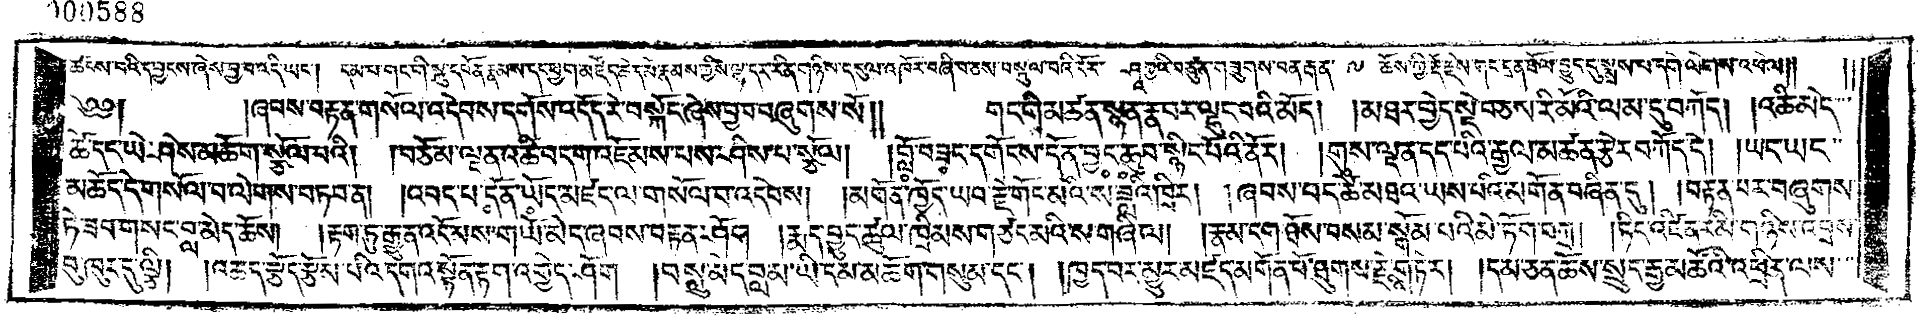ཚངས་པའི་དབྱངས་ཞེས་བྱ་བ་འདི་ཡང་། དམ་པ་གང་གི་སྐུ་དཔོན་རྣམས་དང་ཕྱག་མཛོད་ཆེད་མོ་རྣམས་ཀྱིས་ལྷ་དར་རིན་གཉིས་དངུལ་འཁོར་བཞི་བཅས་བསྐུལ་བའི་ངོར་ཤཱཀྱའི་བཙུན་གཟུགས་བན་རྒན་༧་ཆོས་ཀྱི་རྡོ་རྗེས་གང་དྲན་ཐོལ་བྱུང་དུ་སྨྲས་པ་དགེ་ལེགས་འཕེལ།། །།
༄༅། །ཞབས་བརྟན་གསོལ་འདེབས་དགོས་འདོད་རེ་བསྐོང་ཞེས་བྱ་བ་བཞུགས་སོ།། གང་གི་མཚན་སྙན་རྣ་བར་ལྷུང་བའི་མོད། །མཐར་བྱེད་སྡེ་བཅས་རི་མོའི་ལམ་དུ་བཀོད། །འཆི་མེད་
ཚེ་དང་ཡེ་ཤེས་མཆོག་སྩོལ་བའི། །བཅོམ་ལྡན་འཆི་བདག་འཇོམས་པས་ཤིས་པ་སྩོལ། །བློ྾་བཟང྾་དགོངས་དོན་བྱང྾་ཆུབ྾་སྙིང་པོའི་ནོར། །གུས་ལྡན་དད་པའི་རྒྱལ་མཚན་རྩེར་བཀོད་དེ། །ཡང་ཡང་
མཆོད་དེ་གསོལ་བ་ལེགས་བཏབ་ན། །འབད་པ་དོན྾་ཡོད྾་མཛད་ལ་གསོལ་བ་འདེབས། །མགོན་ཁྱོད་ཡབ་རྗེ་གོང་མའི་ས་ཟླའི་ཁྲིར། །ཞབས་པད་ཚེ་མཐའ་ཡས་པའི་མགོན་བཞིན་དུ། །བརྟན་པར་བཞུགས་
ཏེ་ཟབ་གསང་བླ་མེད་ཆོས། །རྟག་ཏུ་རྒྱུན་འདོམས་གཡོ་མེད་ཞབས་བརྟན་ཤོག །རྨད་བྱུང་ཚུལ་ཁྲིམས་གཙང་མའི་ས་གཞི་ལ། །རྣམ་དག་ཐོས་བསམ་སྒོམ་པའི་མེ་ཏོག་བཀྲ། །ཏིང་འཛིན་རིམ་གཉིས་འབྲས་
བུ་ཁུར་དུ་ལྕི། །འཆད་རྩོད་རྩོམ་པའི་དགའ་སྟོན་རྟག་འགྱེད་ཤོག །བསླུ་མེད་བླ་མ་ཡི་དམ་མཆོག་གསུམ་དང་། །ཁྱད་པར་མྱུར་མཛད་མགོན་པོ་ཐུགས་རྗེའི་གཏེར། །དམ་ཅན་ཆོས་སྲུང་རྒྱ་མཚོའི་འཕྲིན་ལས་